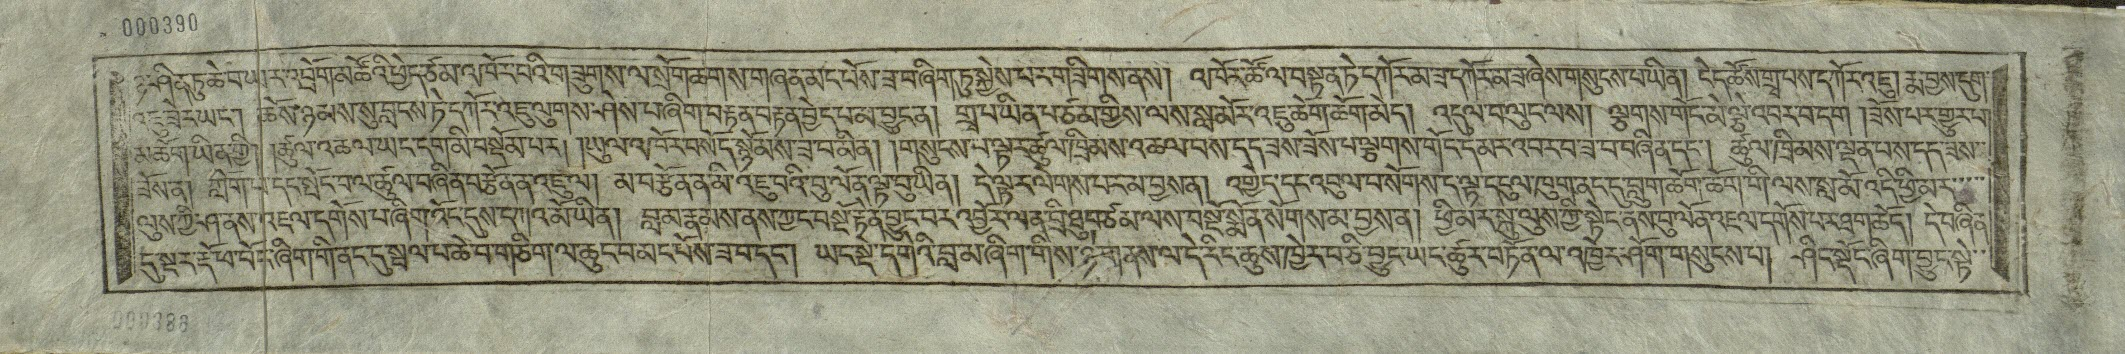ཉ་ཤིན་ཏུ་ཆེ་བ་ཡར་འབྲོག་མཚོའི་ཕྱེད་ཙམ་འཁོར་བའི་གཟུགས་ལ་སྲོག་ཆགས་གཞན་མང་པོས་ཟ་བ་ཞིག་ཏུ་སྐྱེས་པར་གཟིགས་ནས། འཁོར་ཚོ་ལ་བསྟན་ཏེ་དཀོར་མ་ཟ་དཀོར་མ་ཟ་ཞེས་གསུངས་པ་ཡིན། ངེད་ཚོས་གྲྭ་པས་དཀོར་འཇུ། རྨ་བྱས་དུག་
འཇུ་ཟེར་ཡང་། ཆོས་ཉམས་སུ་བླངས་ཏེ་དཀོར་འཇུ་ལུགས་ཤེས་པ་ཞིག་བརྟན་བརྟན་བྱེད་པ་མ་བྱུང་ན། གྲྭ་པ་ཡིན་པ་ཙམ་གྱིས་ལས་སླ་མོར་འཇུ་ཆོག་ཆོག་མེད། འདུལ་བ་ལུང་ལས། ལྕགས་གོང་མེ་ལྕེ་འབར་བ་དག །ཟོས་པར་གྱུར་པ་
མཆོག་ཡིན་གྱི། །ཚུལ་འཆལ་ཡང་དག་མི་བསྡོམ་པར། །ཡུལ་འཁོར་བསོད་སྙོམས་ཟ་བ་མིན། །གསུངས་པ་ལྟར་ཚུལ་ཁྲིམས་འཆལ་བས་དད་ཟས་ཟོས་པ་ལྕགས་གོང་དམར་འབར་བ་ཟ་བ་བཞིན་དང་། ཚུལ་ཁྲིམས་ལྡན་པས་དད་ཟས་
ཟོས་ན། ཀློག་པ་དང་སྤོང་བ་ལ་ཚུལ་བཞིན་བརྩོན་ན་འཇུ་ལ། མ་བརྩོན་ན་མི་འཇུ་བའི་བུ་ལོན་ལྟ་བུ་ཡིན། དེ་ལྟར་ལེགས་པར་མ་བྱས་ན། འགྱེད་དང་འབུལ་བ་སོགས་ད་ལྟ་དངུལ་ཁུག་ནང་དུ་བླུག་ཆོག་ཆོག་གི་ལས་སླ་མོ་འདི་ཕྱི་མར་
ལུས་ཀྱི་ཤ་ནས་འཇལ་དགོས་པ་ཞིག་འོང་དུས་དཀའ་མོ་ཡིན། བླ་མ་རྣམས་ནས་ཀྱང་བསྔོ་རྟེན་བྱུང་བར་འབྱོར་ལན་བྲི་ཐུབ་ཙམ་ལས་བསྔོ་སྨོན་སོགས་མ་བྱས་ན། ཕྱི་མར་སྐུ་ལུས་ཀྱི་སྟེང་ནས་བུ་ལོན་འཇལ་དགོས་པར་ཐག་ཆོད། དེ་བཞིན་
དུ་སྔར་རྡོ་ཕ་བོང་ཞིག་གི་ནང་དུ་སྦལ་བ་ཆེ་བ་གཅིག་ལ་ཆུང་བ་མང་པོས་ཟ་བ་དང་། ཡང་སྡེ་དགེའི་བླ་མ་ཞིག་གིས་ཉེ་གནས་ལ་དེ་རིང་ཆུས་ཁྱེར་བ་ཅི་བྱུང་ཡང་ཚུར་བཏོན་ལ་འཁྱེར་ཤོག་གསུངས་པ། ཤིང་སྡོང་ཞིག་བྱུང་སྟེ་